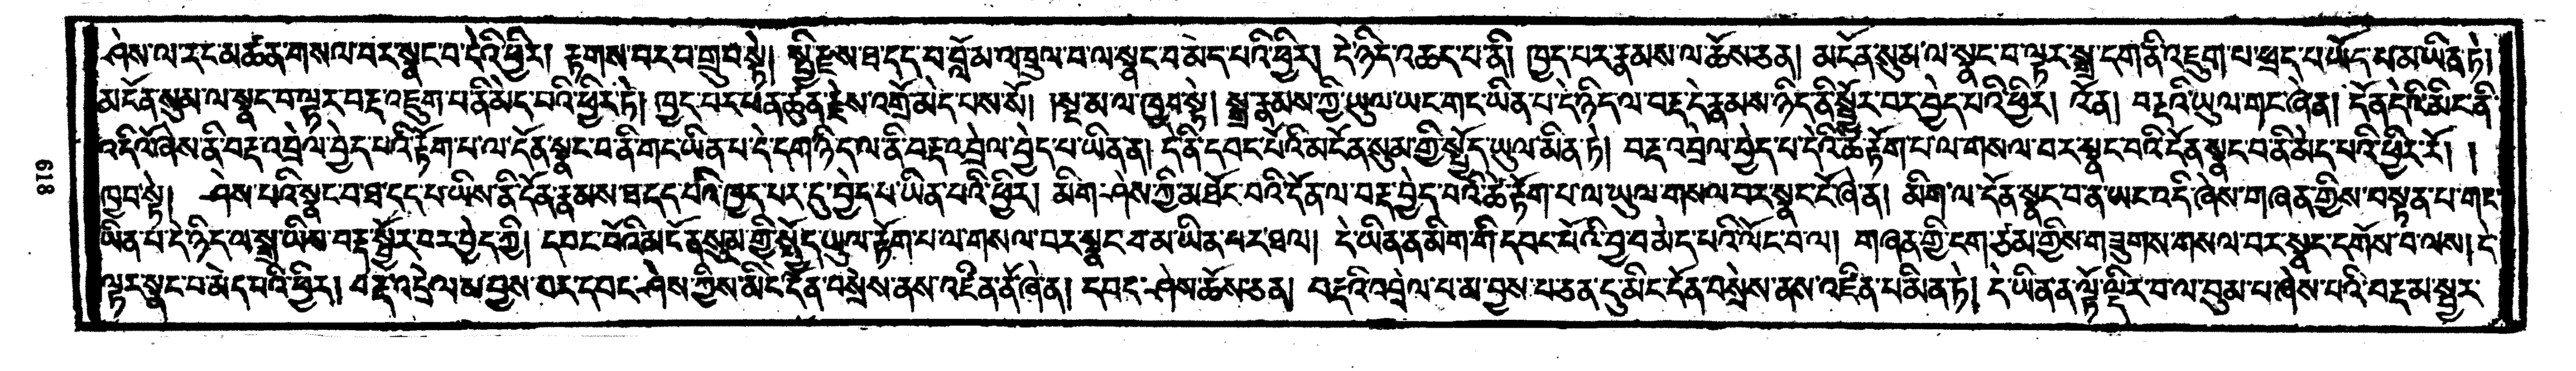ཤེས་ལ་རང་མཚན་གསལ་བར་སྣང་བ་དེའི་ཕྱིར། རྟགས་པར་བ་སྒྲུབ་སྟེ། སྤྱི་རྫས་ཐ་དད་པ་བློ་མ་འཁྲུལ་བ་ལ་སྣང་བ་མེད་པའི་ཕྱིར། དེ་ཉིད་འཆད་པ་ནི། ཁྱད་པར་རྣམས་ལ་ཆོས་ཅན། མངོན་སུམ་ལ་སྣང་བ་ལྟར་སྒྲ་དག་ནི་འཇུག་པ་ཕྲད་པ་ཡོད་པ་མ་ཡིན་ཏེ།
མངོན་སུམ་ལ་སྣང་བ་ལྟར་བརྡ་འཇུག་པ་ནི་མེད་པའི་ཕྱིར་ཏེ། ཁྱད་པར་ཕན་ཚུན་རྗེས་འགྲོ་མེད་པས་སོ། །སྔ་མ་ལ་ཁྱབ་སྟེ། སྒྲ་རྣམས་ཀྱི་ཡུལ་ཡང་གང་ཡིན་པ་དེ་ཉིད་ལ་བརྡ་དེ་རྣམས་ཉིད་ནི་སྤྱོར་བར་བྱེད་པའི་ཕྱིར། འོ་ན། བརྡའི་ཡུལ་གང་ཞེ་ན། དོན་དེའི་མིང་ནི་
འདིའོ་ཞེས་ནི་བརྡ་འབྲེལ་བྱེད་པའི་རྟོག་པ་ལ་དོན་སྣང་བ་ནི་གང་ཡིན་པ་དེ་དག་ཉིད་ལ་ནི་བརྡ་འབྲེལ་བྱེད་པ་ཡིན་ན། དེ་ནི་དབང་པོའི་མངོན་སུམ་གྱི་སྤྱོད་ཡུལ་མིན་ཏེ། བརྡ་འབྲེལ་བྱེད་པ་དེའི་ཚེ་རྟོག་པ་ལ་གསལ་བར་སྣང་བའི་དོན་སྣང་བ་ནི་མེད་པའི་ཕྱིར་རོ། །
ཁྱབ་སྟེ། ཤེས་པའི་སྣང་བ་ཐ་དད་པ་ཡིས་ནི་དོན་རྣམས་ཐ་དད་པའི་ཁྱད་པར་དུ་བྱེད་པ་ཡིན་པའི་ཕྱིར། མིག་ཤེས་ཀྱི་མཐོང་བའི་དོན་ལ་བརྡ་བྱེད་པའི་ཚེ་རྟོག་པ་ལ་ཡུལ་གསལ་བར་བསྣང་ངོ་ཞེ་ན། མིག་ལ་དོན་སྣང་བ་ན་ཡང་འདི་ཞེས་གཞན་གྱིས་བསྟན་པ་གང་
ཡིན་པ་དེ་ཉིད་ལ་སྒྲ་ཡིས་བརྡ་སྦྱོར་བར་བྱེད་ཀྱི། དབང་བོའི་མངོན་སུམ་གྱི་སྤྱོད་ཡུལ་རྟོག་པ་ལ་གསལ་བར་སྣང་བ་མ་ཡིན་པར་ཐལ། དེ་ཡིན་ན་མིག་གི་དབང་པོའི་བྱ་བ་མེད་པའི་ལོང་བ་ལ། གཞན་གྱི་དག་ཙམ་གྱིས་གཟུགས་གསལ་བར་སྣང་དགོས་པ་ལས། དེ་
ལྟར་སྣང་པ་མེད་པའི་ཕྱིར། བརྡ་འདྲེལ་མ་བྱས་པར་དབང་ཤེས་ཀྱིས་མིང་དོན་བསྲེས་ནས་འཛིན་ནོ་ཞེ་ན། དབང་ཤེས་ཆོས་ཅན། བརྡའི་འབྲེལ་པ་མ་བྱས་པ་ཅན་དུ་མིང་དོན་བསྲེས་ནས་འཛིན་པ་མིན་ཏེ། དེ་ཡིན་ན་ལྟོ་ལྡིར་བ་ལ་བུམ་པ་ཞེས་པའི་བརྡ་མ་སྦྱར་